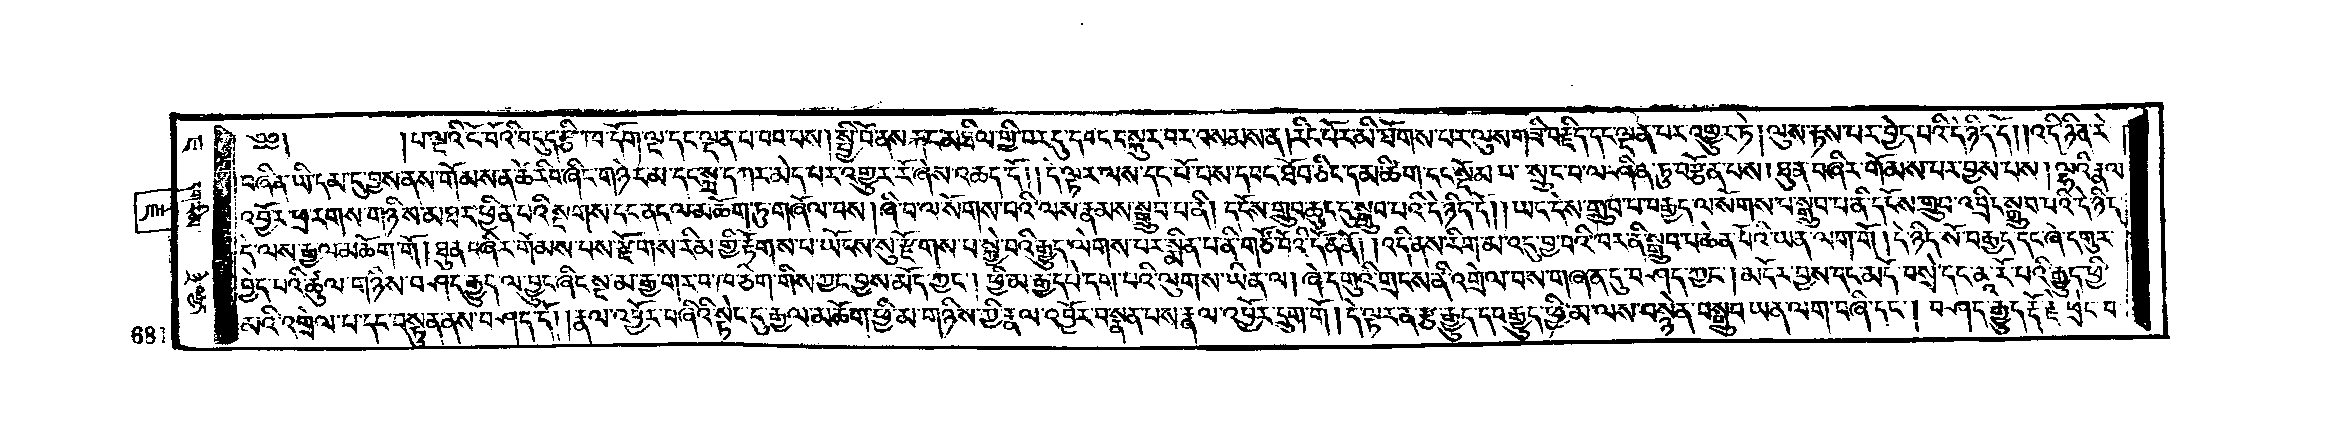༄༅། །པ་ལྔའི་ངོ་བོའི་བདུད་རྩི་ཁ་དོག་ལྔ་དང་ལྡན་པ་བབ་པས། སྤྱི་བོ་ནས་རྐང་མཐིལ་གྱི་བར་དུ་དབང་བསྐུར་བར་བསམས་ན། རིང་པོར་མི་ཐོགས་པར་ལུས་གཟི་བརྗིད་དང་ལྡན་པར་འགྱུར་ཏེ། ལུས་རྟས་པར་བྱེད་པའི་དེ་ཉིད་དོ། །འདི་ཉིན་རེ་
བཞིན་ཡི་དམ་དུ་བྱས་ནས་གོམས་ན་ཚེ་རིང་ཞིང་གཉེར་མ་དང་སྐྲ་དཀར་མེད་པར་འགྱུར་རོ་ཞེས་འཆད་དོ། །དེ་ལྟར་ལས་དང་པོ་པས་དབང་ཐོབ་ཅིང་དམ་ཚིག་དང་སྡོམ་པ་སྲུང་བ་ལ་ཤིན་ཏུ་བརྩོན་པས། ཐུན་བཞིར་གོམས་པར་བྱས་པས། ལྷའི་རྣལ་
འབྱོར་ཕྲ་རགས་གཉིས་མཐར་ཕྱིན་པའི་སྔགས་དང་ནང་ལ་མཆོག་ཏུ་གཞོལ་བས། ཞི་བ་ལ་སོགས་པའི་ལས་རྣམས་སྒྲུབ་པ་ནི། དངོས་གྲུབ་ཆུང་ངུ་སྒྲུབ་པའི་དེ་ཉིད་དོ། །ཡང་དེས་གྲུབ་པ་བརྒྱད་ལ་སོགས་པ་སྒྲུབ་པ་ནི་དངོས་གྲུབ་འབྲིང་སྒྲུབ་པའི་དེ་ཉིད་
དེ་ལས་རྒྱལ་མཆོག་གོ་ཐུན་བཞིར་གོམས་པས་རྫོགས་རིམ་གྱི་རྟོགས་པ་ཡོངས་སུ་རྫོགས་པ་སྐྱེ་བའི་རྒྱུད་ལེགས་པར་སྨིན་པ་ནི་གཙོ་བོའི་དོན་ནོ། །འདི་ནས་རིག་མ་འདུ་བྱ་བའི་བར་ནི་སྒྲུབ་པ་ཆེན་པོའི་ཡན་ལག་གོ །དེ་ཉིད་སོ་བརྒྱད་དང་ཞེ་དགུར་
བྱེད་པའི་ཚུལ་གཉིས་བཤད་རྒྱུད་ལ་བྱུང་ཞིང་སྔ་མ་རྒྱ་གར་བ་ཁ་ཅིག་གིས་ཀྱང་བྱས་མོད་ཀྱང་། ཕྱི་མ་རྒྱ་དཔེ་དག་པའི་ལུགས་ཡིན་ལ། ཞེ་དགུའི་གྲངས་ནི་འགྲེལ་བས་གཞན་དུ་བཤད་ཀྱང་། མདོར་བྱས་དང་མདོ་བསྲེ་དང་ནཱ་རོ་པའི་རྒྱུད་ཕྱི་
མའི་འགྲེལ་པ་དང་བསྟུན་ནས་བཤད་དོ། །རྣལ་འབྱོར་བཞིའི་སྟེང་དུ་རྒྱལ་མཆོག་ཕྱི་མ་གཉིས་ཀྱི་རྣལ་འབྱོར་བསྣན་པས་རྣལ་འབྱོར་དྲུག་གོ །དེ་ལྟར་ན་རྩ་རྒྱུད་དང་རྒྱུད་ཕྱི་མ་ལས་བསྙེན་བསྒྲུབ་ཡན་ལག་བཞི་དང་། བཤད་རྒྱུད་རྡོ་རྗེ་ཕྲེང་བ་